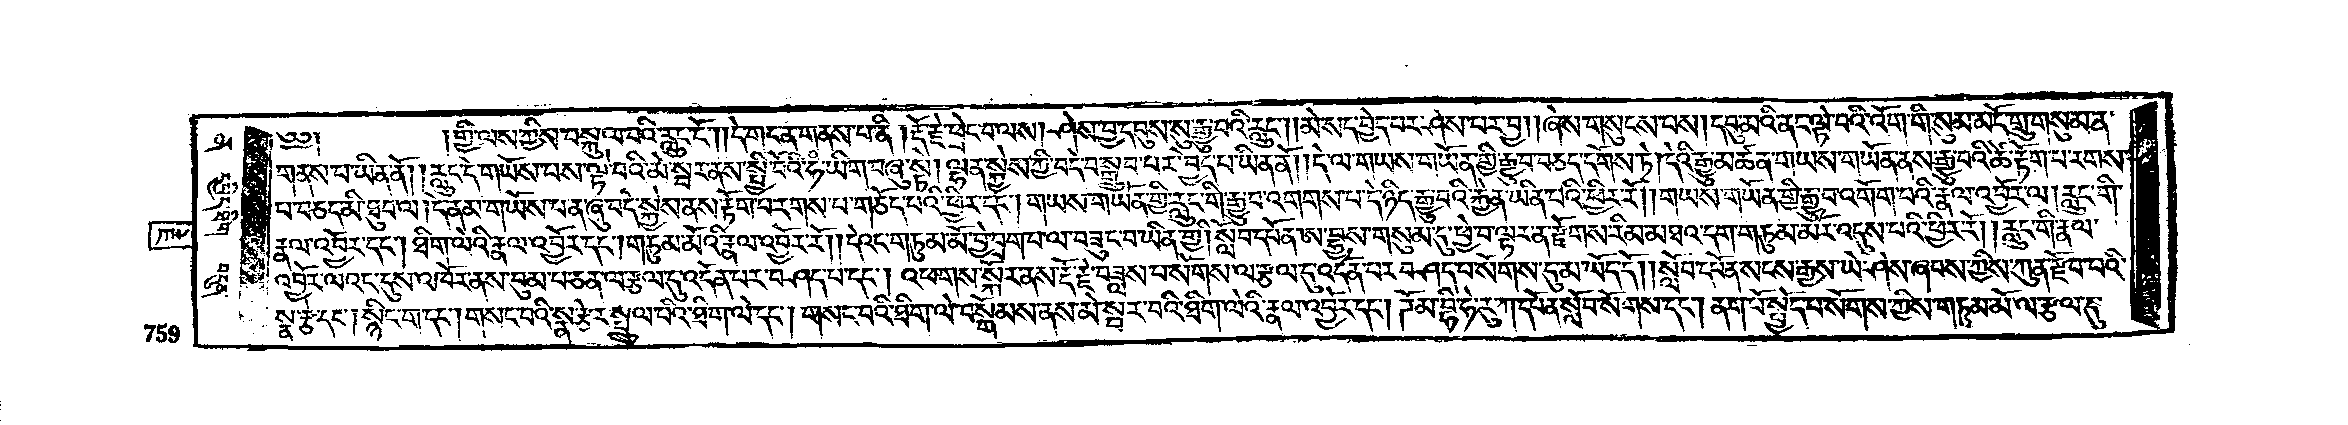༄༅། །གྱི་ལས་ཀྱིས་བསྐུལ་བའི་རླུང་ངོ། །དེ་གང་ན་གནས་པ་ནི། རྡོ་རྗེ་ཕྲེང་བ་ལས། ཤེས་བྱ་དབུས་སུ་རྒྱུ་བའི་རླུང་། །མེ་སད་བྱེད་པར་ཤེས་པར་བྱ། །ཞེས་གསུངས་པས། དབུ་མའི་ནང་ལྟེ་བའི་འོག་གི་སུམ་མེད་གྲུ་གསུམ་ན་
གནས་པ་ཡིན་ནོ། །རླུང་དེ་གཡོས་པས་ལྟེ་བའི་མེ་སྦར་ནས་སྤྱི་བོའི་ཧཾ་ཡིག་བཞུ་སྟེ། ལྷན་སྐྱེས་ཀྱི་བདེ་བ་སྒྲུབ་པར་བྱེད་པ་ཡིན་ནོ། །དེ་ལ་གཡས་གཡོན་གྱི་རྒྱུ་བ་བཅད་དགོས་ཏེ། དེའི་རྒྱུ་མཚན་གཡས་གཡོན་ནས་རྒྱུ་བའི་ཚེ་རྟོག་པ་རགས་
པ་བཅད་མི་ཐུབ་ལ། དེ་ནམ་གཡོས་པ་ན་ཞུ་བདེ་སྐྱེས་ནས་རྟོག་པ་རགས་པ་གཅོད་པའི་ཕྱིར་དང་། གཡས་གཡོན་གྱི་རླུང་གི་རྒྱུ་བ་འགགས་པ་དེ་ཉིད་རྒྱུ་བའི་རྐྱེན་ཡིན་པའི་ཕྱིར་རོ། །གཡས་གཡོན་གྱི་རྒྱུ་བ་འགོག་པའི་རྣལ་འབྱོར་ལ། རླུང་གི་
རྣལ་འབྱོར་དང་། ཐིག་ལེའི་རྣལ་འབྱོར་དང་། གཏུམ་མོའི་རྣལ་འབྱོར་རོ། །དེའང་གཏུམ་མོ་བྱེ་བྲག་པ་ལ་བཟུང་བ་ཡིན་གྱི། སློབ་དཔོན་ཨ་བྷྱས་གསུམ་དུ་ཕྱེ་བ་ལྟར་ན་རྫོགས་རིམ་མཐའ་དག་གཏུམ་མོར་འདུས་པའི་ཕྱིར་རོ། །རླུང་གི་རྣལ་
འབྱོར་ལའང་དུས་འཁོར་ནས་བུམ་པ་ཅན་ལ་རྩལ་དུ་འདོན་པར་བཤད་པ་དང་། འཕགས་སྐོར་ནས་རྡོ་རྗེ་བཟླས་པ་སོགས་ལ་རྩལ་དུ་འདོན་པར་བཤད་པ་སོགས་དུ་མ་ཡོད་དོ། །སློབ་དཔོན་སངས་རྒྱས་ཡེ་ཤེས་ཞབས་ཀྱིས་ཀུན་རྫོབ་པའི་
སྣ་རྩེ་དང་། སྙིང་ག་དང་། གསང་བའི་སྣ་རྩེར་སྤྲུལ་པའི་ཐིག་ལེ་དང་། གསང་བའི་ཐིག་ལེ་བསྒོམས་ནས་མེ་སྦར་བའི་ཐིག་ལེའི་རྣལ་འབྱོར་དང་། ཌོམ་བྷི་ཧེ་རུ་ཀ་དཔོན་སློབ་སོགས་དང་། ནག་པོ་སྤྱོད་པ་སོགས་ཀྱིས་གཏུམ་མོ་ལ་རྩལ་དུ་